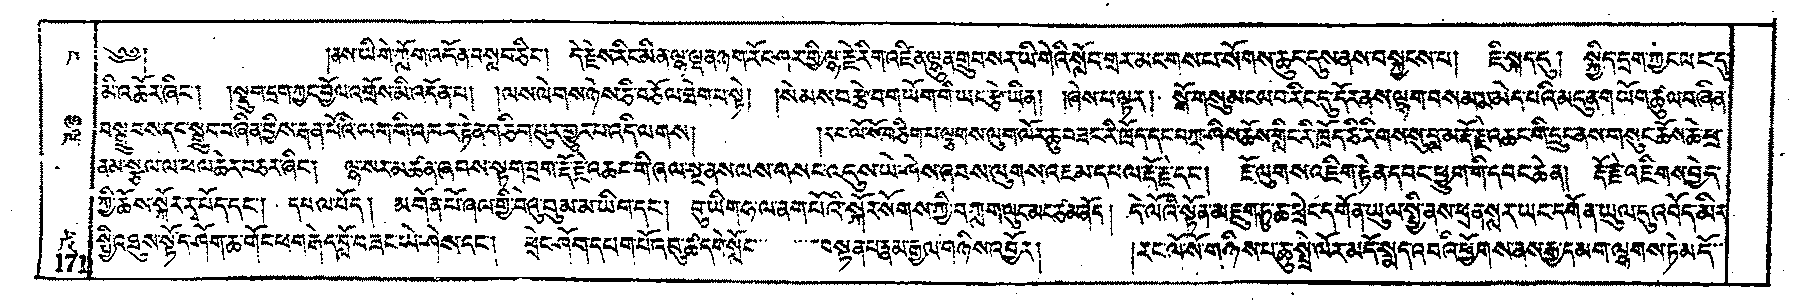༄༅། །ནས་ཡི་གེ་ཀློག་འདོན་བསླབ་ཅིང་། དེ་རྗེས་རིང་མིན་ལྷ་ལྡན་ཉག་རོང་ཤར་གྱི་ལྷ་རྗེ་རིག་འཛིན་ལྷུན་གྲུབ་སར་ཡི་གེའི་སློབ་གྲར་མངགས་པ་སོགས་ཆུང་དུས་ནས་བསྐྱངས་པ། ཇི་སྐད་དུ། སྐྱིད་དྲག་ཀྱང་ལང་དུ་
མི་འཆོར་ཞིང་། །སྡུག་དྲག་ཀྱང་བྱོལ་འགྲོས་མི་འདོན་པ། །ལས་ལེགས་ཉེས་ཅི་བཅོལ་ཐེག་པ་སྟེ། །སེམས་བརྩེ་བ་གཡོག་གི་ཡང་རྩེ་ཡིན། །ཞེས་པ་ལྟར། སྒོ་གསུམ་ངལ་བ་རིང་དུ་དོར་ནས་ལྷག་བསམ་མ་མེད་པའི་མདུན་གཡོག་ཚུལ་བཞིན་
བསྒྲུབས་དང་སྒྲུབ་བཞིན་གྱིས་རྒན་པོའི་ལག་གི་འཁར་རྟེན་གཅིག་པུར་གྱུར་པ་འདི་ལགས། །རང་ལོ་སོ་གཅིག་པ་ལྕགས་ལུག་ལོར་ཆུ་བཟང་རི་ཁྲོད་དང་བཀྲ་ཤིས་ཆོས་གླིང་རི་ཁྲོད་ཅི་རིགས་སུ་བླ་མ་རྡོ་རྗེ་འཆང་གི་དྲུང་ནས་གསུང་ཆོས་ཆེ་ཕྲ་
ནམ་སྩལ་ལ་ཕལ་ཆེར་བཅར་ཞིང་། ལྷ་སར་མཚན་ཞབས་སྟག་བྲག་རྡོ་རྗེ་འཆང་གི་ཞལ་སྔ་ནས་ལས་གསང་འདུས་ཡེ་ཤེས་ཞབས་ལུགས་འཇམ་དཔལ་རྡོ་རྗེ་དང་། ཇོ་ལུགས་འཇིག་རྟེན་དབང་ཕྱུག་གི་དབང་ཆེན། རྡོ་རྗེ་འཇིགས་བྱེད་
ཀྱི་ཆོས་སྐོར་རྭ་པོད་དང་། དཔལ་པོད། མགོན་པོ་ཞལ་གྱི་བེའུ་བུམ་མ་ཡིག་དང་། བུ་ཡིག་ཧ་ལ་ནག་པོའི་སྐོར་སོགས་ཀྱི་བཀླག་ལུང་མང་ཙམ་ནོད། དེ་ལོའི་སྟོན་མཇུག་ཏུ་ཆ་ཕྲེང་དགོན་ཡུལ་སྤྱི་ནས་ཕྲན་སླར་ཡང་དགོན་ཡུལ་དུ་འབོད་མིར་
སྤྱི་འཐུས་སྟོད་ཤོག་ཆ་གོང་ཕག་རྒེད་བློ་བཟང་ཡེ་ཤེས་དང་། ཕྲེང་ཤོག་དཔག་པོ་འབུ་ཚ་དགེ་སློང་བསྟན་པ་རྣམ་རྒྱལ་གཉིས་འབྱོར། །རང་ལོ་སོ་གཉིས་པ་ཆུ་སྤྲེ་ལོར་མདོ་སྨད་འབའི་ཕྱོགས་ནས་རྒྱ་དམག་ལྷགས་ཏེ་མདོ་